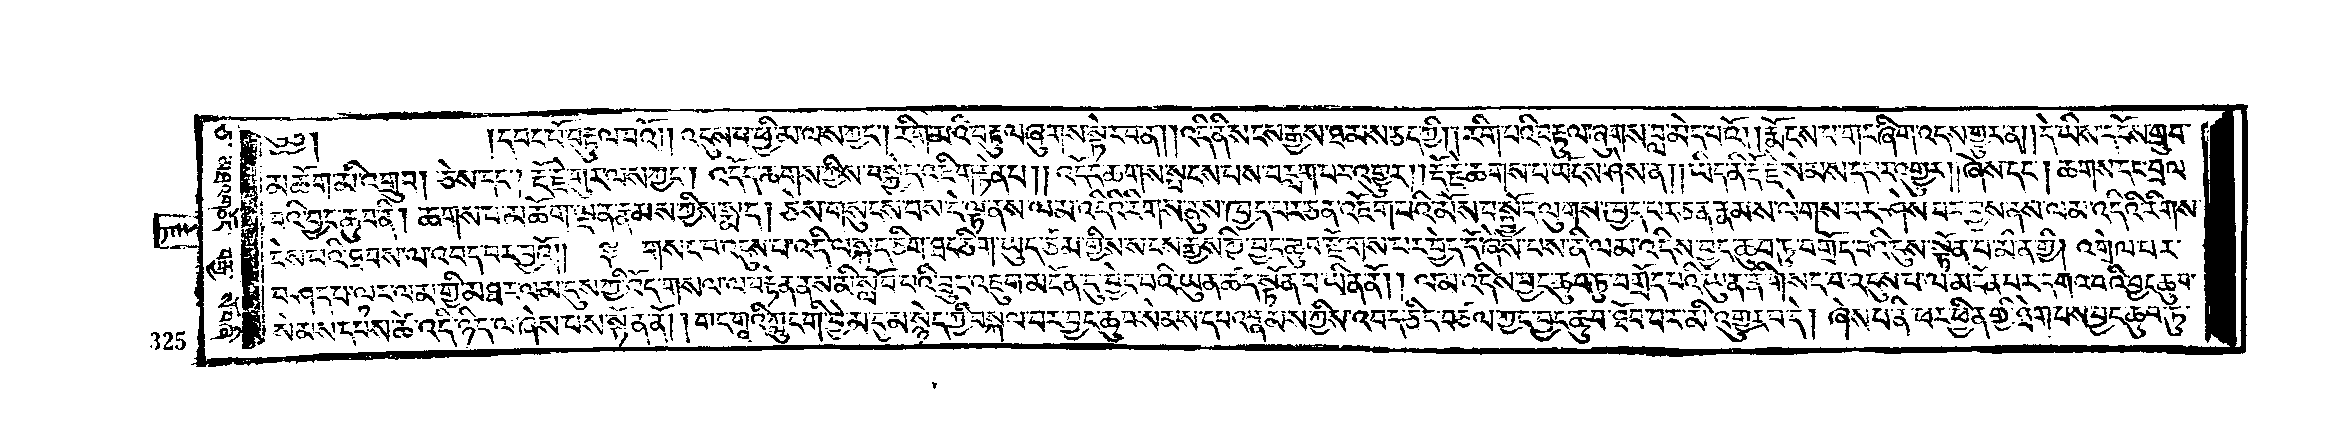༄༅། །དབང་པོ་བརྟུལ་བའོ། །འདུས་པ་ཕྱི་མ་ལས་ཀྱང་། རིག་མའི་བརྟུལ་ཞུགས་སྟེར་བ་ན། །འདི་ནི་སངས་རྒྱས་ཐམས་ཅད་ཀྱི། །རིག་པའི་བརྟུལ་ཞུགས་བླ་མེད་པའོ། །རྨོངས་པ་གང་ཞིག་འདས་གྱུར་ན། །དེ་ཡིས་དངོས་གྲུབ་
མཆོག་མི་འགྲུབ། ཅེས་དང་། རྡོ་རྗེ་གུར་ལས་ཀྱང་། འདོད་ཆགས་ཀྱིས་བསྐྱེད་འཇིག་རྟེན་པ། །འདོད་ཆགས་སྤངས་པས་བརླག་པར་འགྱུར། །རྡོ་རྗེ་ཆགས་པ་ཡོངས་ཤེས་ན། །ཡིད་ནི་རྡོ་རྗེ་སེམས་དཔར་འགྱུར། །ཞེས་དང་། ཆགས་དང་བྲལ་
བའི་བྱང་ཆུབ་ནི། ཆགས་པ་མཆོག་ལྡན་རྣམས་ཀྱིས་སྨད། ཅེས་གསུངས་པས་དེ་ལྟ་ནས་ལམ་འདིའི་རིགས་ནུས་ཁྱད་པར་ཅན་འཇོག་པའི་མོས་པ་སྦྱོང་ལུགས་ཁྱད་པར་ཅན་རྣམས་ལེགས་པར་ཤེས་པར་བྱས་ནས་ལམ་འདིའི་རིགས་
ངེས་པའི་ཐབས་ལ་འབད་བར་བྱའོ།། ༈ གསང་བ་འདུས་པ་འདི་ལ་སྐད་ཅིག་ཐང་ཅིག་ཡུད་ཙམ་གྱིས་སངས་རྒྱས་ཀྱི་བྱང་ཆུབ་རྫོགས་པར་བྱེད་དོ་ཞེས་པས་ནི་ལམ་འདིས་བྱང་ཆུབ་ཏུ་བགྲོད་བའི་དུས་སྟོན་པ་མིན་གྱི། འགྲེལ་པར་
བཤད་པ་ལྟར་ལམ་གྱི་མཐར་ལམ་དུས་ཀྱི་འོད་གསལ་ལ་བརྟེན་ནས་མི་སློབ་པའི་ཟུང་འཇུག་མངོན་དུ་བྱེད་པའི་ཡུན་ཚད་སྟོན་པ་ཡིན་ནོ། །ལམ་འདིས་བྱང་ཆུབ་ཏུ་བགྲོད་པའི་ཡུན་ནི་གསང་བ་འདུས་པ་ལ་མངོན་པར་དགའ་བའི་བྱང་ཆུབ་
སེམས་དཔས་ཚེ་འདི་ཉིད་ལ་ཞེས་པས་སྟོན་ནོ། །གང་གཱའི་ཀླུང་གི་བྱེ་མ་དུ་མ་སྙེད་ཀྱི་བསྐལ་པར་བྱང་ཆུབ་སེམས་དཔའ་རྣམས་ཀྱིས་འབད་ཅིང་བཙལ་ཀྱང་བྱང་ཆུབ་ཐོབ་པར་མི་འགྱུར་བ་དེ། ཞེས་པ་ནི་ཕར་ཕྱིན་གྱི་ཐེག་པས་བྱང་ཆུབ་ཏུ་